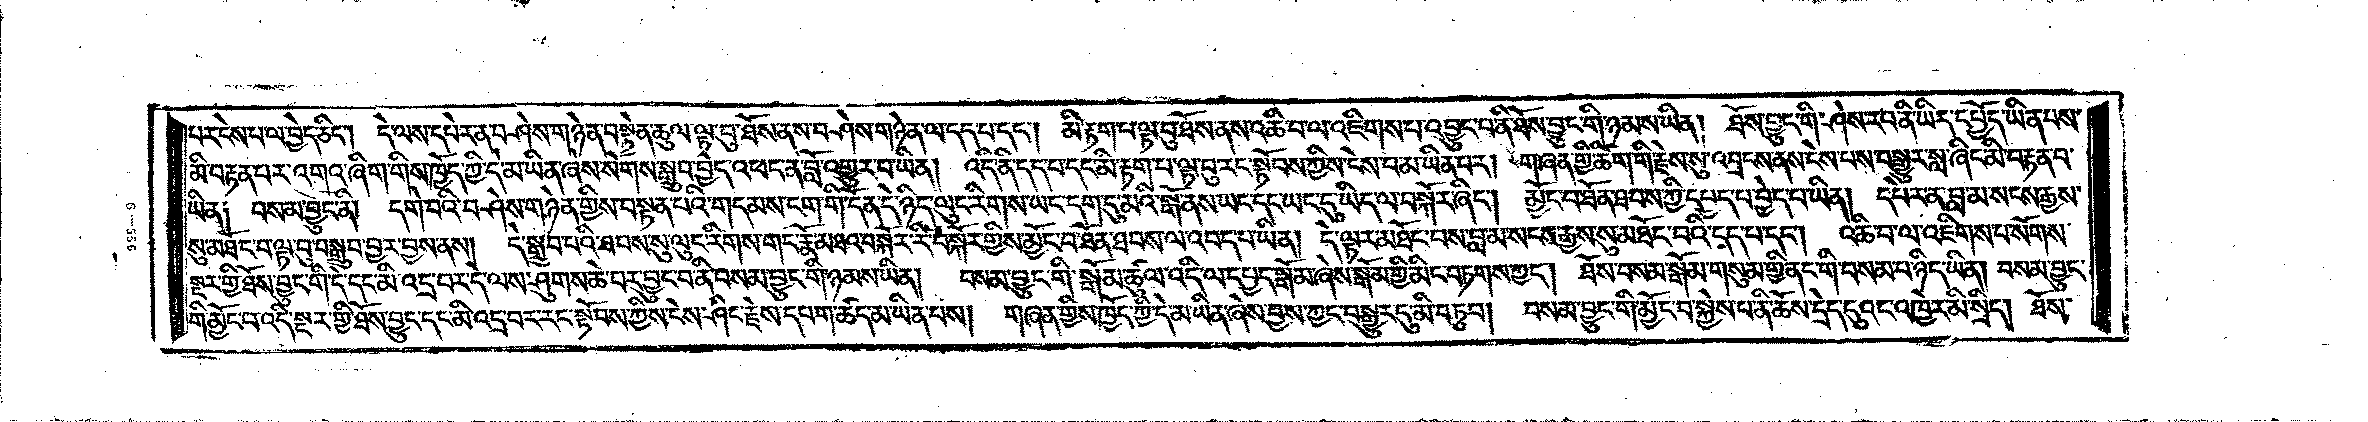པར་ངེས་པ་ལ་བྱེད་ཅིང་། དེ་ལས་དཔེར་ན་བཤེས་གཉེན་བསྟེན་ཆུལ་ལྟ་བུ་ཐོས་ནས་བཤེས་གཉེན་ལ་དད་པ་དང་། མི་རྟག་པ་ལྟ་བུ་ཐོས་ནས་འཆི་བ་ལ་འཇིགས་པ་འབྱུང་བ་ནི་ཐོས་བྱུང་གི་ཉམས་ཡིན། ཐོས་བྱུང་གི་ཤེས་རབ་ནི་ཡིད་དཔྱོད་ཡིན་པས་
ཕ༹མི་བརྟན་པར་འགའ་ཞིག་གིས་ཁྱོད་ཀྱི་དེ་མ་ཡིན་ཞེས་སོགས་སྒྲུབ་བྱེད་འཕང་ན་བློ་འགྱུར་བ་ཡིན། འདི་ནི་དད་པ་དང་མི་རྟག་པ་ལྟ་བུ་རང་སྟོབས་ཀྱིས་ངེས་པ་མ་ཡིན་པར། གཞན་གྱི་ཚིག་གི་རྗེས་སུ་འཕྲངས་ནས་ངེས་པས་བསྒྱུར་སླ་ཞིང་མི་བརྟན་པ་
ཡིན༑ བསམ་བྱུང་ནི། དགེ་བའི་བཤེས་གཉེན་གྱིས་བསྟན་པའི་གདམས་ངག་གི་དོན་དེ་ཉིད་ལུང་རིགས་ཡང་དག་དུ་མའི་སྒོ་ནས་ཡང་དང་ཡང་དུ་ཡིད་ལ་བསྐོར་ཞིང་། མྱོང་བ་ཐོན་ཐབས་ཀྱི་དཔྱད་པ་བྱེད་པ་ཡིན། དཔེར་ན་བླ་མ་སངས་རྒྱས་
སུ་མཐོང་བ་ལྟ་བུ་བསྒྲུབ་བྱར་བྱས་ནས། དེ་སྒྲུབ་པའི་ཐབས་སུ་ལུང་རིགས་གང་རྣོ་མཐའ་བསྐོར་རི་བསྐོར་གྱིས་མྱོང་བ་ཐོན་ཐབས་ལ་འབད་པ་ཡིན། དེ་ལྟར་མཐོང་བས་བླ་མ་སངས་རྒྱས་སུ་མཐོང་བའི་དད་པ་དང་། འཆི་བ་ལ་འཇིགས་པ་སོགས་
སྔར་གྱི་ཐོས་བྱུང་གི་དེ་དང་མི་འདྲ་བར་དེ་ལས་ཤུགས་ཆེ་བར་བྱུང་བ་ནི་བསམ་བྱུང་གི་ཉམས་ཡིན། བསམ་བྱུང་གི་སྒོམ་ཚུལ་འདི་ལ་དཔྱད་སྒོམ་ཞེས་སྒོམ་གྱི་མིང་བཏགས་ཀྱང་། ཐོས་བསམ་སྒོམ་གསུམ་གྱི་ནང་གི་བསམ་པ་ཉིད་ཡིན། བསམ་བྱུང་
ཕ༹གི་མྱོང་བ་འདི་སྔར་གྱི་ཐོས་བྱུང་དང་མི་འདྲ་བར་རང་སྟོབས་ཀྱིས་ངེས་ཤིང་རྗེས་དཔག་ཚད་མ་ཡིན་པས། གཞན་གྱིས་ཁྱོད་ཀྱི་དེ་མ་ཡིན་ཞེས་བྱས་ཀྱང་བསྒྱུར་དུ་མི་བཏུབ། བསམ་བྱུང་གི་མྱོང་བ་སྐྱེས་པ་ནི་ཆོས་དྲེད་དུའང་འཁྱེར་མི་སྲིད། ཐོས་
ཕ༹་